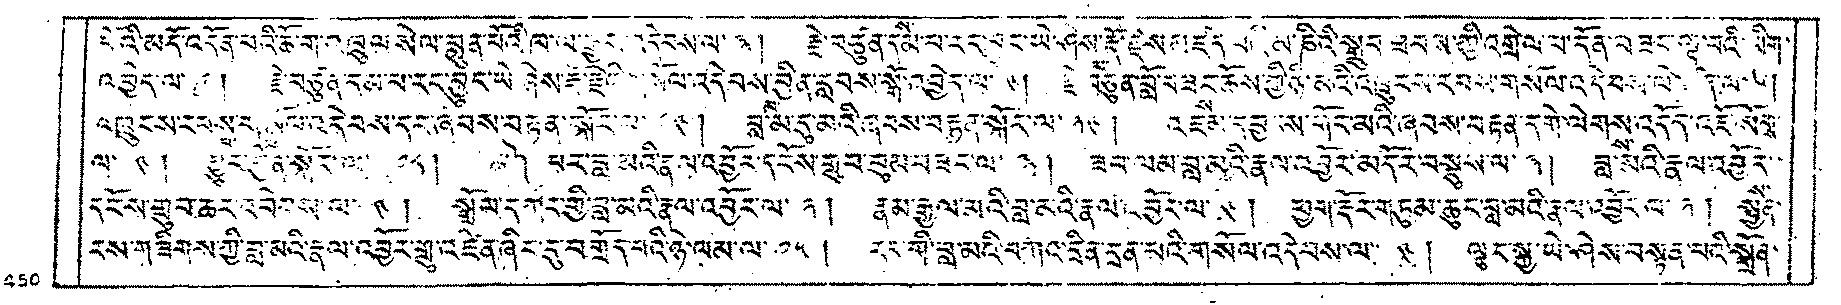པོའི་མདོ་འདོན་པའི་ཆོ་ག་འཁྲུལ་སེལ་བླུན་པོའི་ཁ་ལ་རྒྱས་འདེབས་ལ ༣། རྗེ་བཙུན་དམ་ས་པ་རང་བྱུང་ཡེ་ཤེས་རྡོ་རྗེས་མཛད་པའི་མ་ཎིའི་སྒྲུབ་ཐབས་ཀྱི་འགྲེལ་པ་དོན་བཟང་ལྟ་བའི་མིག་
འབྱེད་ལ ༩། རྗེ་བཙུན་དམ་པ་རང་བྱུང་ཡེ་ཤེས་རྡོ་རྗེའི་གསོལ་འདེབས་བྱིན་རླབས་སྒོ་འབྱེད་ལ ༤། རྗེ་བཙུན་པ་བློ་བཟང་ཆོས་ཀྱི་ཉི་མའི་འཁྲུངས་རབས་གསོལ་འདེབས་ལེ་ཚན་ལ ༦།
འཁྲུངས་རབས་གསོལ་འདེབས་དང་ཞབས་བརྟན་སྐོར་ལ ༡༤། བླ་མ་མ་དུ་མའི་ཞབས་བརྟན་སྐོར་ལ ༢༤། འཇམ་ས་དབྱངས་གོང་མའི་ཞབས་བརྟན་དགེ་ལེགས་འདོད་འཇོ་སོགས་
ལ ༤། མྱུར་མ་བྱོན་སྐོར་ལ ༡༨། ཆ྄་པར་བླ་མའི་རྣལ་འབྱོར་དངོས་གྲུབ་བུམ་བཟང་ལ ༣། ཟབ་ལམ་བླ་མའི་རྣལ་འབྱོར་མདོར་བསྡུས་ལ ༣། བླ་མའི་ས་རྣལ་འབྱོར་
དངོས་གྲུབ་ཆར་འབེབས་ལ ༤། སྒྲོལ་དཀར་གྱི་བླ་མའི་རྣལ་འབྱོར་ལ ༢། རྣམ་རྒྱལ་མའི་བླ་མའི་རྣལ་འབྱོར་ལ ༤། ཕྱག་རྡོར་གཏུམ་ཆུང་བླ་མའི་རྣལ་འབྱོར་ལ ༢། སྤྱན་ས་
རས་གཟིགས་ཀྱི་བླ་མའི་རྣལ་འབྱོར་གྲུ་འཛིན་ཞིང་དུ་བགྲོད་པའི་ཉེ་ལམ་ལ ༡༥། རང་གི་བླ་མའི་བཀའ་དྲིན་དྲན་པའི་གསོལ་འདེབས་ལ ༤། ལྕང་སྐྱ་ཡེ་ཤེས་བསྟན་པའི་སྒྲོན་